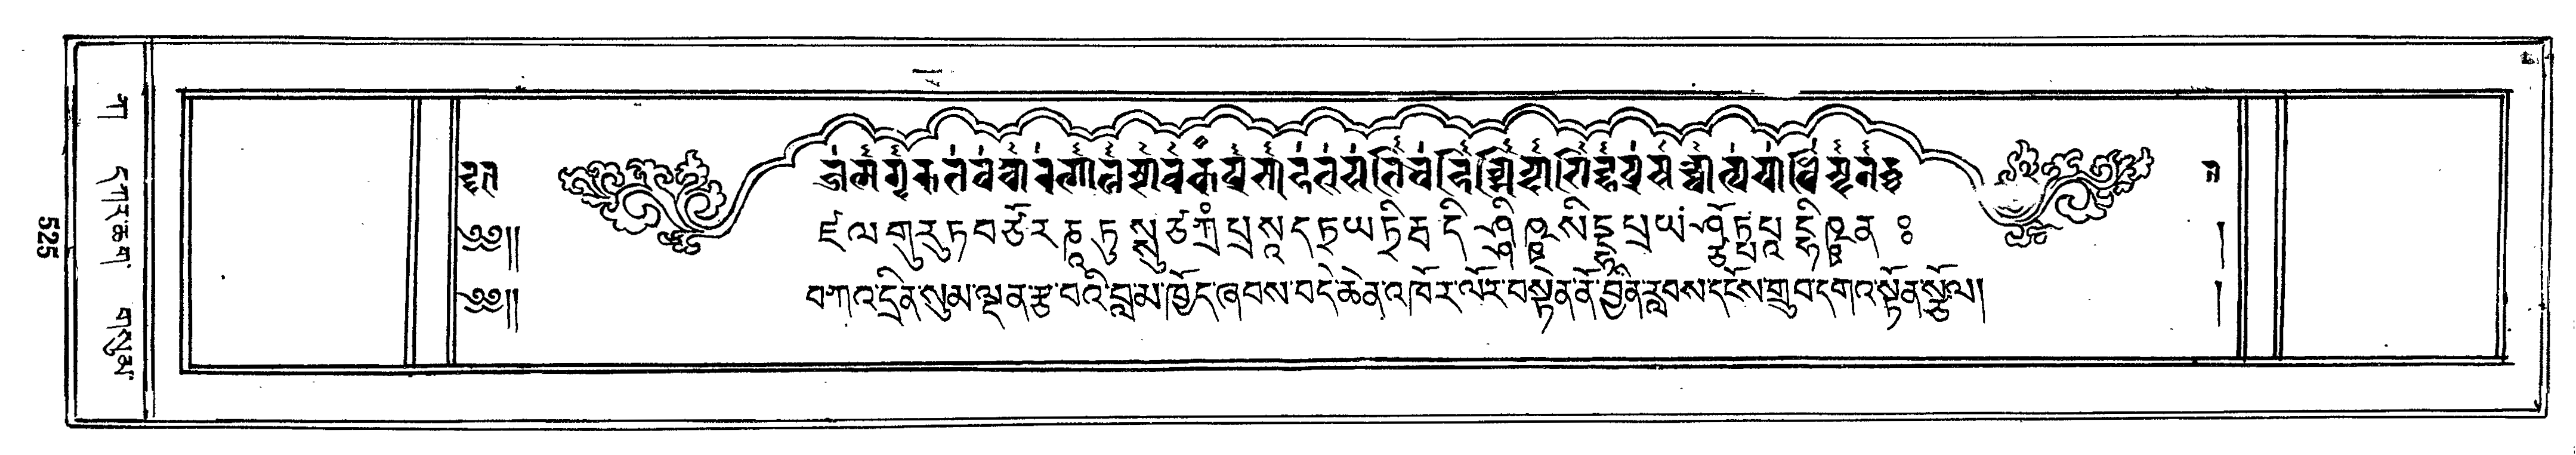༄༅། །ཛ་ལ་གུ་རུ་ཏ་བ་ཙོར་ཎཱ་ཏུ་སྶུ་ཙ་ཀྲཾ་པྲ་སཱ་ད་ཏྲ་ཡ་ཏྲི་རྦ་དིཤྴི་ཥཊཿཨ་སིདྡྷ་པྲ་ཡ་ཤྩོཏྤ་པཱ་དྷི་ཥྦནཿ །
༄༅། །བཀའ་དྲིན་སུམ་ལྡན་རྩ་བའི་བླ་མ་ཁྱོད་ཞབས་བདེ་ཆེན་འཁོར་ལོར་བསྟན་ནོ་བྱིན་རླབས་དངོས་གྲུབ་དགའ་སྟོན་སྩོལ། །